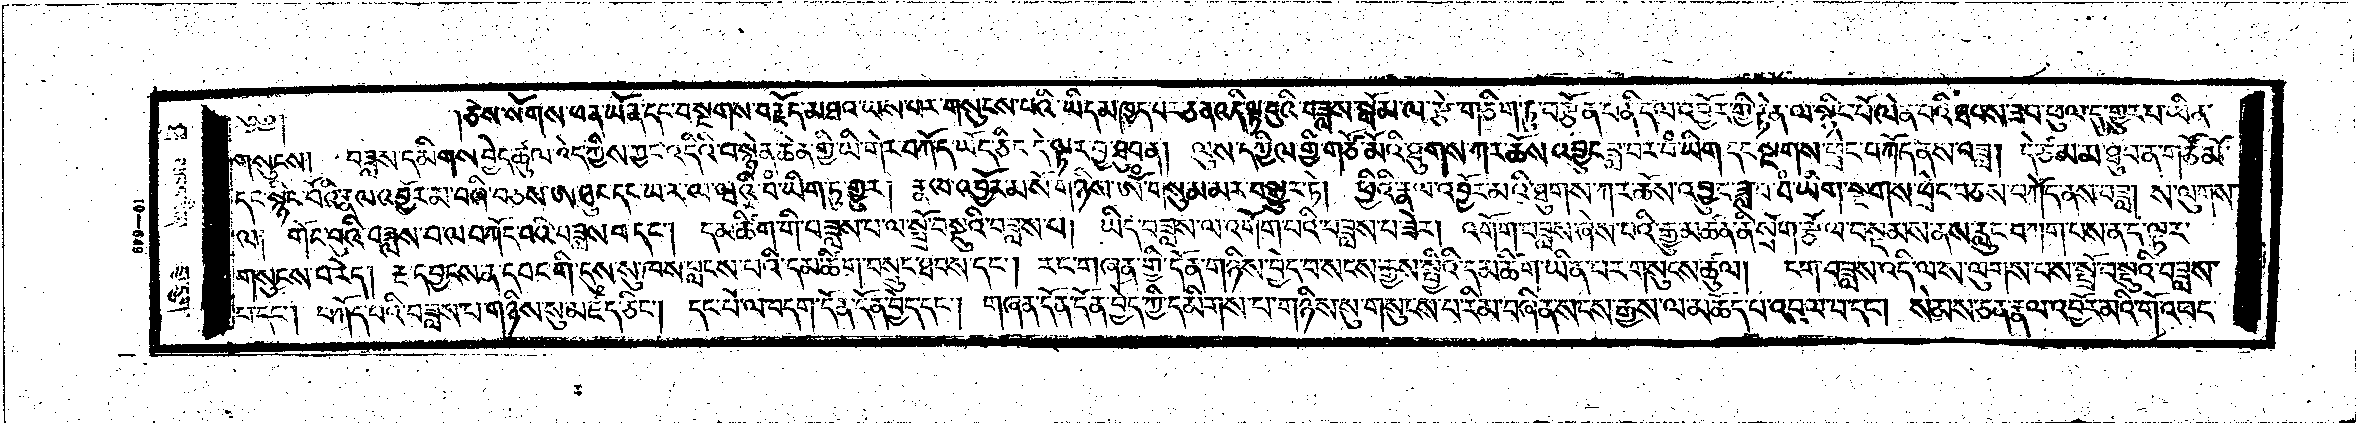༄༅། །ཅེས་སོགས་ཕན་ཡོན་དང་བསྔགས་བརྗོད་མཐའ་ཡས་པར་གསུངས་བའི་ཡིད་མ་ཁྱད་པར་ཅན་འདི་ལྟ་བུའི་བཟླས་སྒོམ་ལ་རྩེ་གཅིག་ཏུ་བརྩོན་པ་ནི་དལ་འབྱོར་གྱི་རྟེན་ལ་སྙིང་པོ་ལེན་པའི་ཐབས་ཟབ་ཕུལ་དུ་གྱུར་པ་ཡིན་
གསུངས། བཟླས་དམིགས་བྱེད་ཚུལ་ངེད་ཀྱིས་ཀྱང་འདིའི་བསྙེན་ཆེན་གྱི་ཡི་གེར་བཀོད་ཡོད་ཅིང་དེ་ལྟར་བྱ་ཐུབ་ན། ལུས་དཀྱིལ་གྱི་གཙོ་མོའི་ཐུགས་ཀར་ཆོས་འབྱུང་ཟླ་བར་བཾ་ཡིག་དང་སྔགས་ཕྲེང་བཀོད་ནས་བཟླ། དེ་ཙམ་མ་ཐུབ་ན་གཙོ་མོ་
དང་སྙིང་པོའི་རྣལ་འབྱོར་མ་བཞི་བཅས་ཨ་ཐུང་དང་ཡ་ར་ལ་ཝའི་བཾ་ཡིག་ཏུ་གྱུར། རྣལ་འབྱོར་མ་སོ་གཉིས་ཨོཾ་གསུམ་མར་བསྒྱུར་ཏེ། ཕྱིའི་རྣལ་འབྱོར་མའི་ཐུགས་ཀར་ཆོས་འབྱུང་ཟླ་བ་བཾ་ཡིག་སྔགས་ཕྲེང་བཅས་བཀོད་ནས་བཟླ། ས་ལུགས་
ལ༑ གོང་བུའི་བཟླས་པ་ལ་བཀོད་པའི་བཟླས་པ་དང་། དམ་ཚིག་གི་བཟླས་པ་ལ་སྤྲོ་བསྡུའི་བཟླས་པ། ཡིད་བཟླས་ལ་འགོག་པའི་བཟླས་པ་ཟེར། འགོག་བཟླས་ཞེས་པའི་རྒྱུ་མཚན་ནི་སྲོག་རྩོལ་བསྡམས་ནས་རླུང་བཀག་པས་ན་དེ་ལྟར་
གསུངས་པ་རེད། རྔ་དབྱངས་ན་དབང་གི་དུས་སུ་ཁས་བླངས་པའི་དམ་ཚིག་བསྲུང་ཐབས་དང་། རང་གཞན་གྱི་དོན་གཉིས་བྱེད་པ་སངས་རྒྱས་སྤྱིའི་དམ་ཚིག་ཡིན་པར་གསུངས་ཚུལ། ངག་བཟླས་འདི་ལས་ལུགས་པས་སྤྲོ་བསྡུའི་བཟླས་
པ་དང་། བཀོད་པའི་བཟླས་པ་གཉིས་སུ་མཛད་ཅིང་། དང་པོ་ལ་བདག་དོན་དོན་བྱེད་དང་། གཞན་དོན་དོན་བྱེད་ཀྱི་དམིགས་པ་གཉིས་སུ་གསུངས་པ་རིམ་བཞིན་སངས་རྒྱས་ལ་མཆོད་པ་འབུལ་བ་དང་། སེམས་ཅན་རྣལ་འབྱོར་མའི་གོ་འཕང་